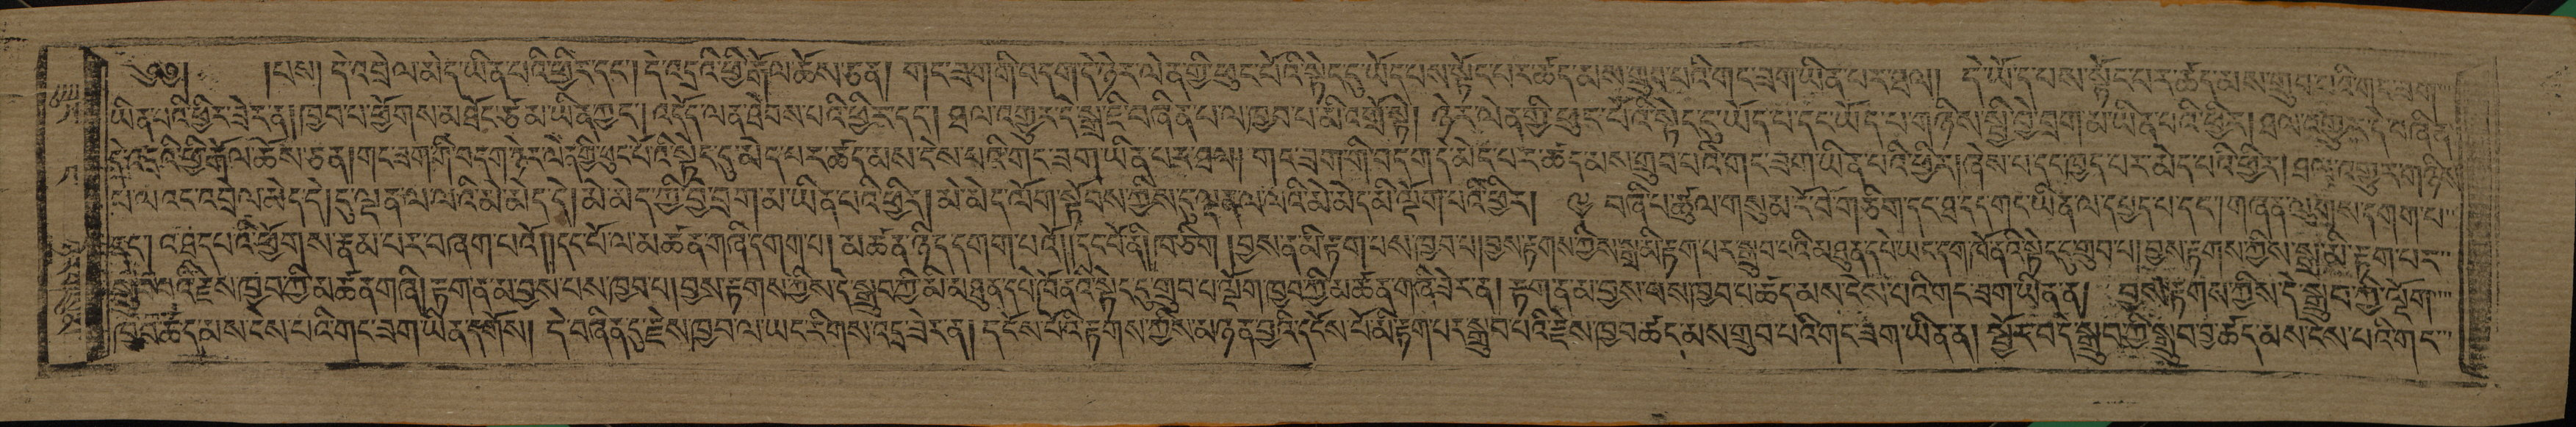༄༅། །པས། དེ་འབྲེལ་མེད་ཡིན་པའི་ཕྱིར་དང་། དེ་འདྲའི་ཕྱི་རྒོལ་ཆོས་ཅན། གང་ཟག་གི་བདག་དེ་ཉེར་ལེན་གྱི་ཕུང་པོའི་སྟེང་དུ་ཡོད་པས་སྟོང་པར་ཚད་མས་གྲུབ་པའི་གང་ཟག་ཡིན་པར་ཐལ། དེ་ཡོད་པས་སྟོང་པར་ཚད་མས་གྲུབ་པའི་གང་ཟག་
ཡིན་པའི་ཕྱིར་ཟེར་ན། ཁྱབ་པ་ཕྱོགས་མཐོང་ཙམ་ཡིན་ཀྱང་། འདོད་ལན་ཐེབས་པའི་ཕྱིར་དང་། ཐལ་འགྱུར་དེ་སྒྲ་ཇི་བཞིན་པ་ལ་ཁྱབ་པ་མི་འགྲོ་སྟེ། ཉེར་ལེན་གྱི་ཕུང་པོའི་སྟེང་དུ་ཡོད་པ་དང་ཡོད་པ་གཉིས་སྤྱི་བྱེ་བྲག་མ་ཡིན་པའི་ཕྱིར། ཐལ་འགྱུར་དེ་བཞིན་
དེ་འདྲའི་ཕྱི་རྒོལ་ཆོས་ཅན། གང་ཟག་གི་བདག་ཉེར་ལེན་གྱི་ཕུང་པོའི་སྟེང་དུ་མེད་པར་ཚད་མས་ངེས་པའི་གང་ཟག་ཡིན་པར་ཐལ། གང་ཟག་གི་བདག་དེ་མེད་པར་ཚད་མས་གྲུབ་པའི་གང་ཟག་ཡིན་པའི་ཕྱིར། ཞེས་པ་དང་ཁྱད་པར་མེད་པའི་ཕྱིར། ཐལ་འགྱུར་གཉིས་
པ་ལའང་འབྲེལ་མེད་དེ། དུ་ལྡན་ལ་ལའི་མེ་མེད་དེ། མེ་མེད་ཀྱི་བྱེ་བྲག་མ་ཡིན་པའི་ཕྱིར། མེ་མེད་ལོག་སྟོབས་ཀྱིས་དུ་ལྡན་ལ་ལའི་མེ་མེད་མི་ལྡོག་པའི་ཕྱིར། ༈ བཞི་པ་ཚུལ་གསུམ་ངོ་བོ་གཅིག་དང་ཐ་དད་གང་ཡིན་ལ་དཔྱད་པ་དང་། གཞན་ལུགས་དགག་པ་
དང༑ འཐད་པའི་ཕྱོགས་རྣམ་པར་བཞག་པའོ། །དང་པོ་ལ་མཚན་གཞི་དགག་པ། མཚན་ཉིད་དགག་པའོ། །དང་པོ་ནི། ཁ་ཅིག །བྱས་ན་མི་རྟག་པས་ཁྱབ་པ། བྱས་རྟགས་ཀྱིས་སྒྲ་མི་རྟག་པར་སྒྲུབ་པའི་མཐུན་དཔེ་ཡང་དག་ཁོ་ནའི་སྟེང་དུ་གྲུབ་པ། བྱས་རྟགས་ཀྱིས། སྒྲ་མི་རྟག་པར་
སྒྲུབ་པའི་རྗེས་ཁྱབ་ཀྱི་མཚན་གཞི། རྟག་ན་མ་བྱས་པས་ཁྱབ་པ། བྱས་རྟགས་ཀྱིས་དེ་སྒྲུབ་ཀྱི་མི་མཐུན་དཔེ་ཁོ་ནའི་སྟེང་དུ་གྲུབ་པ་ལྡོག་ཁྱབ་ཀྱི་མཚན་གཞི་ཟེར་ན། རྟག་ན་མ་བྱས་པས་ཁྱབ་པ་ཚད་མས་ངེས་པའི་གང་ཟག་ཡིན་ན། བྱས་རྟགས་ཀྱིས་དེ་སྒྲུབ་ཀྱི་ལྡོག་
ཁྱབ་ཚད་མས་ངེས་པའི་གང་ཟག་ཡིན་དགོས། དེ་བཞིན་དུ་རྗེས་ཁྱབ་ལ་ཡང་རིགས་འདྲ་ཟེར་ན། དངོས་པོའི་རྟགས་ཀྱིས་མཉན་བྱའི་དངོས་པོ་མི་རྟག་པར་སྒྲུབ་པའི་རྗེས་ཁྱབ་ཚད་མས་གྲུབ་པའི་གང་ཟག་ཡིན་ན། སྦྱོར་བ་དེ་སྒྲུབ་ཀྱི་སྒྲུབ་བྱ་ཚད་མས་ངེས་པའི་གང་